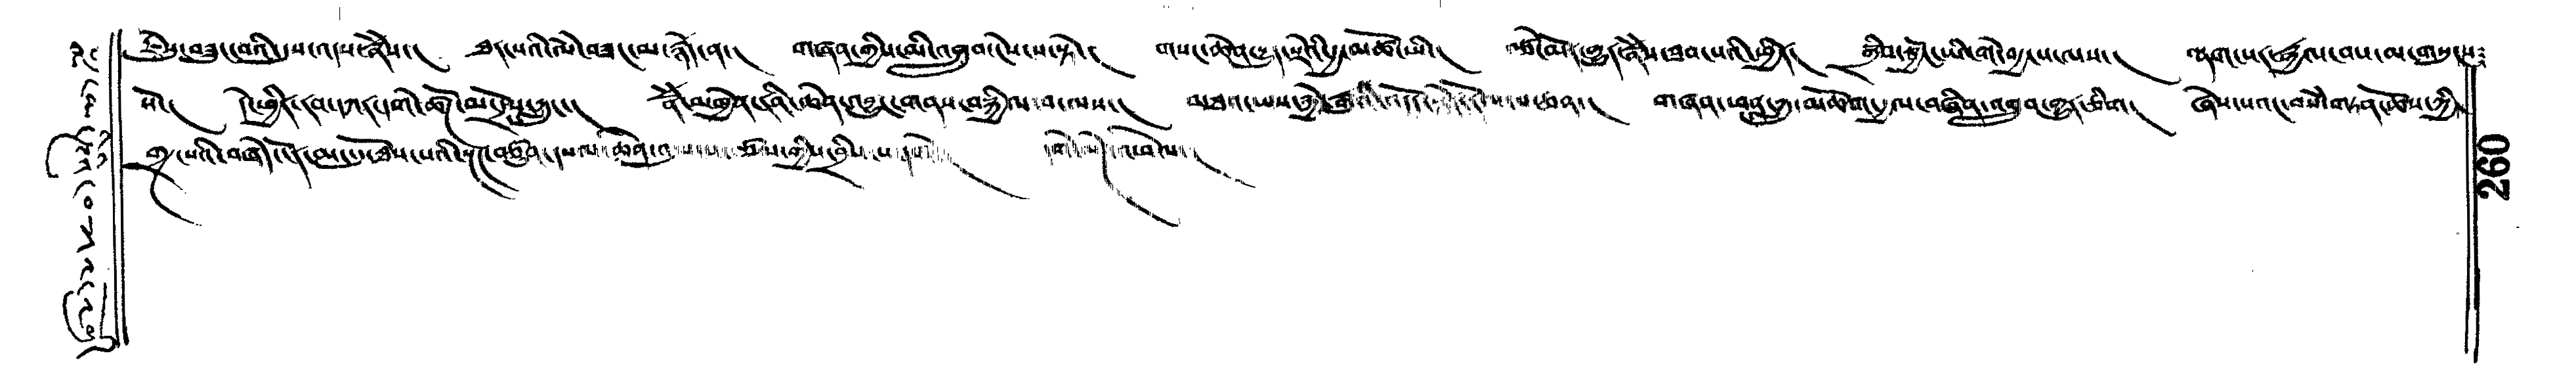།རྗེས་སུ་བཟུང་བའི་དུས་འདས་རྣམས། །ཐར་པའི་ལམ་བཟང་མ་རྙེད་ན། །གཞན་གྱིས་མི་འགྲུབ་ངེས་པ་སྟེ། གསང་ཆེན་རྒྱུད་སྡེ་རྒྱ་མཚོ་ཡི། །རྩེ་མོར་གྱུར་རྣམས་ཟབ་པའི་ཕྱིར། །སྒྲིབ་སྦྱོང་ཡི་གེ་བརྒྱ་པ་ལས། །ལྷག་པར་རྒྱལ་བས་མ་གསུངས་
སོ། །དེ་ཕྱིར་རབ་དཀར་དགེ་ཚོགས་མ་དྲོས་ཀླུང་། །རྣམ་མཁྱེན་རིན་ཆེན་འབྱུང་གནས་བསྐྱིལ་བ་ལས། །མཐའ་ཡས་སྐྱེ་རྒུའི་འདོད་སྟེར་རོལ་པ་ཅན། །གཞན་ཕན་ཀླུ་མཆོག་རྒྱལ་བཞིན་འགྲུབ་གྱུར་ཅིག ཞེས་པའང་བསམ་གཏན་ཆོས་ཀྱི་
གྲགས་པའི་བཞེད་ངོར་མང་དུ་ཐོས་པའི་སྔགས་བཙུན་དཔལ་ཆེན་འདུས་པ་རྩལ་གྱིས་བྲིས་པ་དགེ།། བཀྲ་ཤིས།།